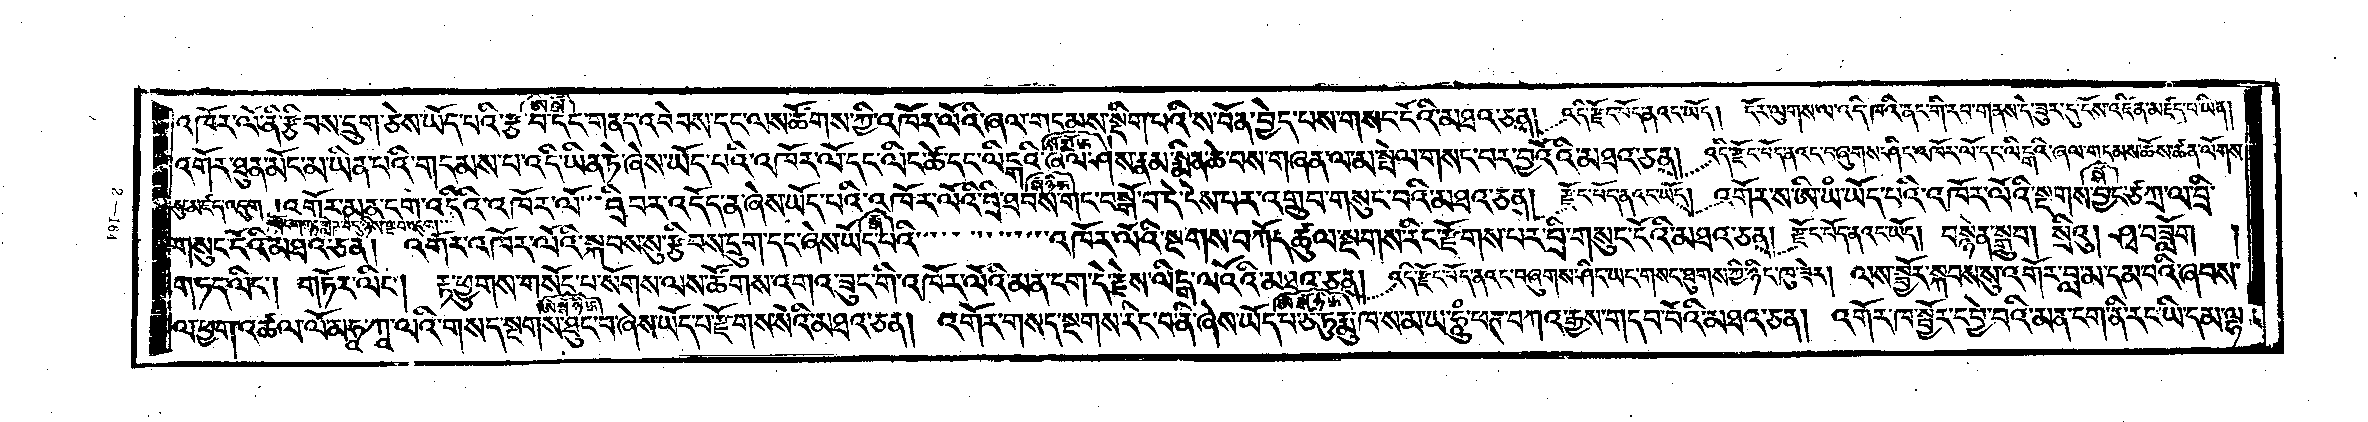འཁོར་ལོ་ནི་རྩིབས་དྲུག་ཅེས་ཡོད་པའི་རྩ་བ་དང་གནད་འབེབས་དང་ལས་ཚོགས་ཀྱི་འཁོར་ལོའི་ཞལ་གདམས་སྡིག་པའི་ས་བོན་བྱེད་པས་གསང་ངོའི་མཐའ་ཅན། འདི་རྫོང་པོད་ནའང་ཡོད། ངོར་ལུགས་ལ་འདི་ཁའི་ནང་གི་རབ་གནས་དེ་ཟུར་དུ་ངོས་འཛིན་མཛད་པ་ཡིན།
འགོར་ཐུན་མོང་མ་ཡིན་པའི་གདམས་པ་འདི་ཡིན་ཏེ་ཞེས་ཡོད་པའི་འཁོར་ལོ་དང་ལིང་ཚེ་དང་ལིངྒའི་ཞལ་ཤེས་རྣམ་སྨིན་ཆེ་བས་གཞན་ལ་མ་སྤེལ་གསང་བར་བྱའོའི་མཐའ་ཅན། འདི་རྫོང་པོད་ནའང་བཞུགས་ཤིང་འཁོར་ལོ་དང་ལིངྒའི་ཞལ་གདམས་ཆོས་ཚན་ལོགས་
སུ་མཛད་འདུག །འགོར་མན་ངག་འདིའི་འཁོར་ལོ་བྲི་བར་འདོད་ན་ཞེས་ཡོད་པའི་འཁོར་ལོའི་བྲི་ཐབས་གང་བསྒོ་བ་དེ་ངེས་པར་འགྲུབ་གསུང་བའི་མཐའ་ཅན། རྫོང་པོད་ནའང་ཡོད།  འགོར་ས་ཨི་ཡཾ་ཡོད་པའི་འཁོར་ལོའི་སྔགས་བྱང་ཙ་ཀྲ་ལ་བྲི་
གསུང་ངོའི་མཐའ་ཅན། འགོར་འཁོར་ལོའི་སྐབས་སུ་རྩིབས་དྲུག་དང་ཞེས་ཡོད་པའི་འཁོར་ལོའི་སྔགས་བཀོད་ཚུལ་སྔགས་རིང་རྫོགས་པར་བྲི་གསུང་ངོའི་མཐའ་ཅན། རྫོང་པོད་ནའང་ཡོད།  བསྙེན་སྒྲུབ། སྲིའུ། ཤྭ་བཟློག །
གཏད་ལིང་། གཏོར་ལིང་། རྟ་ཕྱུགས་གསོད་པ་སོགས་ལས་ཚོགས་འགའ་ཟུང་གི་འཁོར་ལོའི་མན་ངག་དེ་རྗེས་ལིངྒ་ལའོའི་མཐའ་ཅན། འདི་རྫོང་པོད་ནའང་བཞུགས་ཤིང་ཡང་གསང་ཐུགས་ཀྱི་ཉིད་ཁུ་ཟེར།  ལས་སྦྱོར་སྐབས་སུ་འགོར་བླ་མ་དམ་པའི་ཞབས་
ལ་ཕྱག་འཚལ་ལོ་མཧཱ་ཀཱ་ལའི་གསད་སྔགས་ཐུང་བ་ཞེས་ཡོད་པ་རྫོགས་སོའི་མཐའ་ཅན། འགོར་གསང་སྔགས་རིང་བ་ནི་ཞེས་ཡོད་པ་ཅ་ཏུ་རྨུ་ཁ་ས་མ་ཡ་ཧཱུཾ་ཕཊ་བཀའ་རྒྱས་གདབ་བོའི་མཐའ་ཅན། འགོར་ཁ་སྦྱོར་དབྱེ་བའི་མན་ངག་ནི་རང་ཡི་དམ་ལྷ་